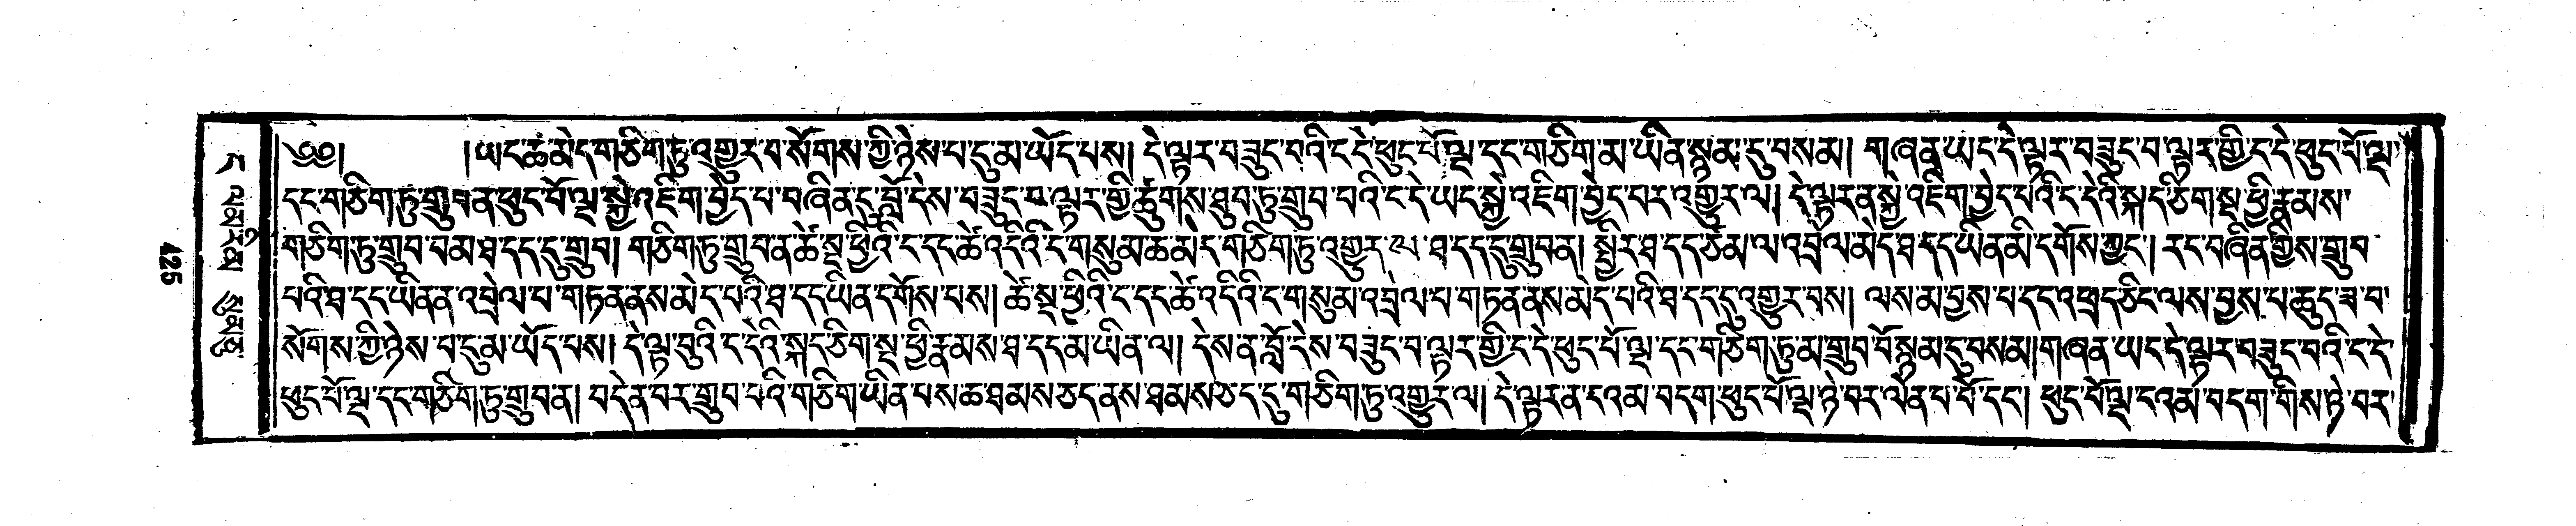༄༅། །ཡང་ཆ་མེད་གཅིག་ཏུ་འགྱུར་བ་སོགས་ཀྱི་ཉེས་པ་དུ་མ་ཡོད་པས། དེ་ལྟར་བཟུང་བའི་ང་དེ་ཕུང་པོ་ལྔ་དང་ཅིག་མ་ཡིན་སྙམ་དུ་བསམ། གཞན་ཡང་དེ་ལྟར་བཟུང་བ་ལྟར་གྱི་ང་དེ་ཕུང་པོ་ལྔ་
དང་གཅིག་ཏུ་གྲུབ་ན་ཕུང་པོ་ལྔ་སྐྱེ་འཇིག་བྱེད་པ་བཞིན་དུ་བློ་ངེས་བཟུང་བ་ལྟར་གྱི་ཚུགས་ཐུབ་ཏུ་གྲུབ་པའི་ང་དེ་ཡང་སྐྱེ་འཇིག་བྱེད་པར་འགྱུར་ལ། དེ་ལྟར་ན་སྐྱེ་འཇིག་བྱེད་པའི་ང་དེའི་སྐད་ཅིག་སྔ་ཕྱི་རྣམས་
གཅིག་ཏུ་གྲུབ་བམ་ཐ་དད་དུ་གྲུབ། གཅིག་ཏུ་གྲུབ་ན་ཚེ་སྔ་ཕྱིའི་ང་དང་ཚེ་འདིའི་ང་གསུམ་ཆ་མེད་གཅིག་ཏུ་འགྱུར་ལ། ཐ་དད་དུ་གྲུབ་ན། སྤྱིར་ཐ་དད་ཙམ་ལ་འབྲེལ་མེད་ཐ་དད་ཡིན་མི་དགོས་ཀྱང་། རང་བཞིན་གྱིས་གྲུབ་
པའི་ཐ་དད་ཡིན་ན་འབྲེལ་པ་གཏན་ནས་མེད་པའི་ཐ་དད་ཡིན་དགོས་པས། ཚེ་སྔ་ཕྱིའི་ང་དང་ཚེ་འདིའི་ང་གསུམ་འབྲེལ་བ་གཏན་ནས་མེད་པའི་ཐ་དད་དུ་འགྱུར་བས། ལས་མ་བྱས་པ་དང་འཕྲད་ཅིང་ལས་བྱས་པ་ཆུད་ཟ་བ་
སོགས་ཀྱི་ཉེས་པ་དུ་མ་ཡོད་པས། དེ་ལྟ་བུའི་ང་དེའི་སྐད་ཅིག་སྔ་ཕྱི་རྣམས་ཐ་དད་མ་ཡིན་ལ། དེས་ན་བློ་དེས་བཟུང་བ་ལྟར་གྱི་ང་དེ་ཕུང་པོ་ལྔ་དང་གཅིག་ཏུ་མ་གྲུབ་བོ་སྙམ་དུ་བསམ། གཞན་ཡང་དེ་ལྟར་བཟུང་བའི་ང་དེ་
ཕུང་པོ་ལྔ་དང་གཅིག་ཏུ་གྲུབ་ན། བདེན་པར་གྲུབ་པའི་གཅིག་ཡིན་པས་ཆ་ཐམས་ཅད་ནས་ཐམས་ཅད་དུ་གཅིག་ཏུ་འགྱུར་ལ། དེ་ལྟར་ན་ངའམ་བདག་ཕུང་པོ་ལྔ་ཉེ་བར་ལེན་པ་པོ་དང་། ཕུང་པོ་ལྔ་ངའམ་བདག་གིས་ཉེ་བར་